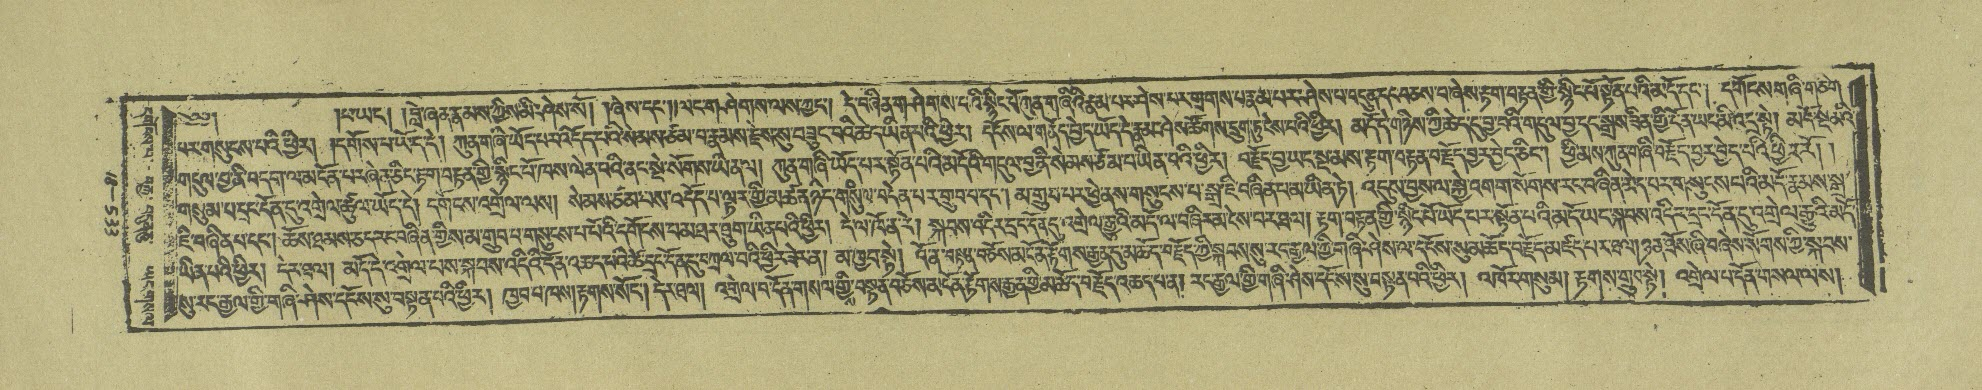༄༅། །པ་ཡང་། །བློ་གཞན་རྣམས་ཀྱིས་མི་ཤེས་སོ། །ཞེས་དང་། ལང་གཤེགས་ལས་ཀྱང་། དེ་བཞིན་གཤེགས་པའི་སྙིང་པོ་ཀུན་གཞིའི་རྣམ་པར་ཤེས་པར་གྲགས་པ་རྣམ་པར་ཤེས་པ་བདུན་དང་བཅས་པ་ཞེས་རྟག་བརྟེན་གྱི་སྙིང་པོ་སྟོན་པའི་མདོ་དང་། དགོངས་གཞི་གཅིག་
བར་གསུངས་པའི་ཕྱིར། །དགོས་པ་ཡོད་དེ། ཀུན་གཞི་ཡོད་པར་འདོད་པའི་སེམས་ཙམ་པ་རྣམས་རྗེས་སུ་བཟུང་བའི་ཆེད་ཡིན་པའི་ཕྱིར། དངོས་ལ་གནོད་བྱེད་ཡོད་དེ་རྣམ་ཤེས་ཚོགས་དྲུག་ཏུ་ངེས་པའི་ཕྱིར། མདོ་དེ་གཉིས་ཀྱི་ཆེད་དུ་བྱ་བའི་གདུལ་བྱ་དང་སྒྲས་ཟིན་གྱི་དོན་ཡང་མི་འདྲ་སྟེ། མདོ་སྔ་མའི་
གདུལ་བྱ་ནི་བདག་ལ་མངོན་པར་ཞེན་ཅིང་རྟག་བརྟན་གྱི་སྙིང་པོ་ཁས་ལེན་པའི་ནང་སྡེ་སོགས་ཡིན་ལ། ཀུན་གཞི་ཡོད་པར་སྟོན་པའི་མདོའི་གདུལ་བྱ་ནི་སེམས་ཙམ་པ་ཡིན་པའི་ཕྱིར། བརྗོད་བྱ་ཡང་སྔ་མས་རྟག་བརྟན་བརྗོད་བྱར་བྱེད་ཅིང་། ཕྱི་མས་ཀུན་གཞི་བརྗོད་བྱར་བྱེད་པའི་ཕྱིར་རོ། །
གསུམ་པ་དྲང་དོན་དུ་འགྲེལ་ཚུལ་ཡོད་དེ། དགོངས་འགྲེལ་ལས། སེམས་ཙམ་པས་འདོད་པ་ལྟར་གྱི་མཚན་ཉིད་གསུམ་ལ་བདེན་པར་གྲུབ་པ་དང་། མ་གྲུབ་པར་ཕྱེ་ནས་གསུངས་པ་སྒྲ་ཇི་བཞིན་པ་མ་ཡིན་ཏེ། འདུས་བྱས་ལ་སྐྱེ་འགག་སོགས་རང་བཞིན་མེད་པར་གསུངས་པའི་མདོ་རྣམས་སྒྲ་
ཇི་བཞིན་པ་དང་། ཆོས་ཐམས་ཅད་རང་བཞིན་གྱིས་མ་གྲུབ་པ་གསུངས་པ་པོའི་དགོངས་པ་མཐར་ཐུག་ཡིན་པའི་ཕྱིར། དེ་ལ་ཁོ་ན་རེ། སྐབས་འདིར་དྲང་དོན་དུ་འགྲེལ་རྒྱུའི་མདོ་ལ་བཞིར་མ་ངེས་པར་ཐལ། རྟག་བརྟན་གྱི་སྙིང་པོ་ཡོད་པར་སྟོན་པའི་མདོ་ཡང་སྐབས་འདིར་དྲང་དོན་དུ་འགྲེལ་རྒྱུའི་མདོ་
ཡིན་པའི་ཕྱིར། དེར་ཐལ། མདོ་དེ་འགྲེལ་པས་སྐབས་འདིའི་དོན་འཆད་པའི་ཚེ་དྲང་དོན་དུ་བཀྲལ་བའི་ཕྱིར་ཟེར་ན། མ་ཁྱབ་སྟེ། འོ་ན་བསྟན་བཅོས་མངོན་རྟོགས་རྒྱན་དུ་མཆོད་བརྗོད་ཀྱི་སྐབས་སུ་རང་རྒྱལ་ཀྱི་གཞི་ཤེས་ལ་དངོས་སུ་མཆོད་བརྗོད་མཛད་པར་ཐལ། ཉན་ཐོས་ཞི་བ་ཞེས་སོགས་ཀྱི་སྐབས་
སུ་རང་རྒྱལ་གྱི་གཞི་ཤེས་དངོས་སུ་བསྟན་པའི་ཕྱིར། ཁྱབ་པ་ཁས། རྟགས་སོང་། དེར་ཐལ། འགྲེལ་པ་དོན་གསལ་གྱི་བསྟན་བཅོས་མངོན་རྟོགས་རྒྱན་གྱི་མཆོད་བརྗོད་འཆད་པ་ན། རང་རྒྱལ་གྱི་གཞི་ཤེས་དངོས་སུ་བསྟན་པའི་ཕྱིར། འཁོར་གསུམ། རྟགས་གྲུབ་སྟེ། འགྲེལ་པ་དོན་གསལ་ལས།